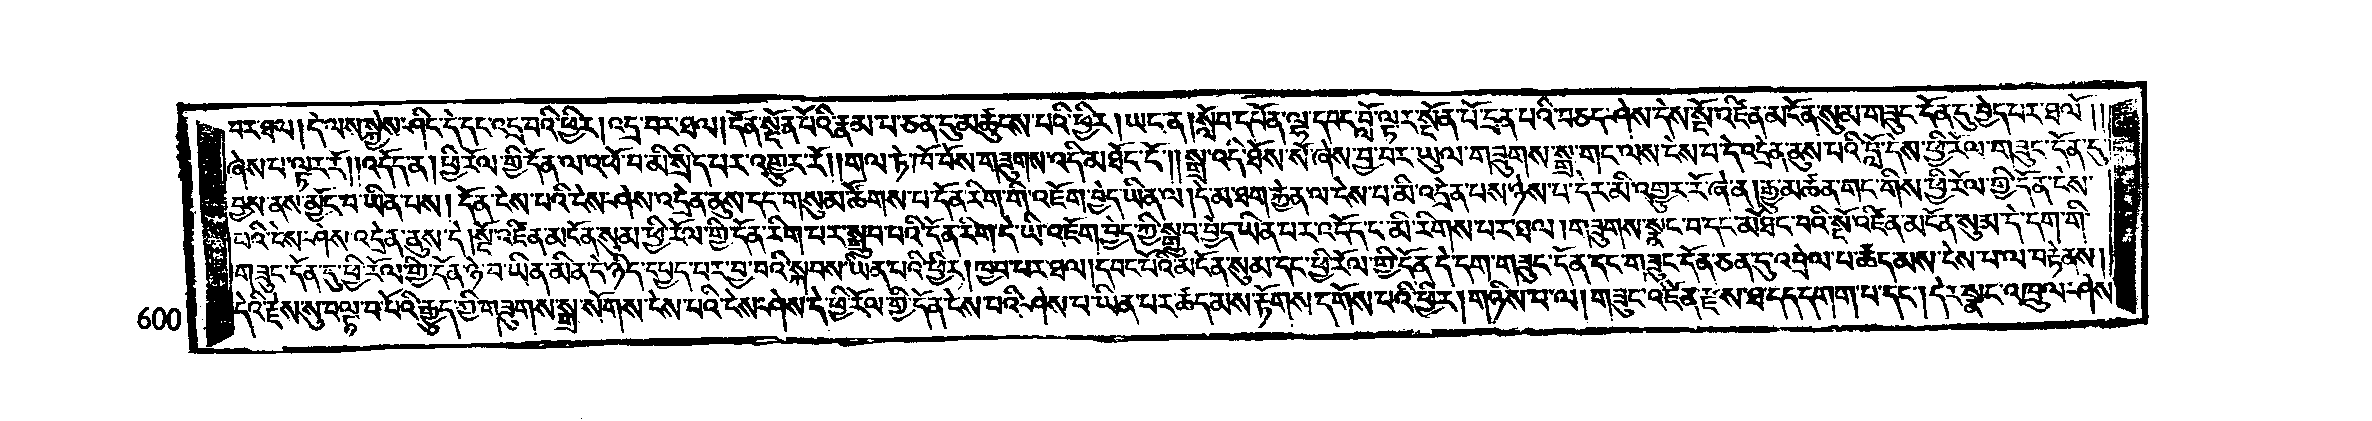བར་ཐལ། དེ་ལས་སྐྱེས་ཤིང་དེ་དང་འདྲ་བའི་ཕྱིར། འདྲ་བར་ཐལ། དོན་སྤོན་པོའི་རྣམ་པ་ཅན་དུ་མཚུངས་པའི་ཕྱིར། ཡང་ན། སློབ་དཔོན་ལྷ་དབང་བློ་ལྟར་སྔོན་པོ་དྲན་པའི་བཅད་ཤེས་དེས་སྔོ་འཛིན་མངོན་སུམ་གཟུང་དོན་དུ་བྱེད་པར་ཐལ་ལོ། །
ཞེས་པ་ལྟར་རོ། །འདོད་ན། ཕྱི་རོལ་གྱི་དོན་ལ་འཕོ་བ་མི་སྲིད་པར་འགྱུར་རོ། །གལ་ཏེ་ཁོ་བོས་གཟུགས་འདི་མཐོང་ངོ། །སྒྲ་འདི་ཐོས་སོ་ཞེས་བྱ་བར་ཡུལ་གཟུགས་སྒྲ་གང་ལས་ངེས་པ་དེ་འདྲེན་ནུས་པའི་བློ་དེས་ཕྱི་རོལ་གཟུང་དོན་དུ་
བྱས་ནས་མྱོང་བ་ཡིན་པས། དོན་ངེས་པའི་ངེས་ཤེས་འདྲེན་ནུས་དང་གསུམ་ཚོགས་པ་དོན་རིག་གི་འཇོག་བྱེད་ཡིན་ལ། དེ་མ་ཐག་རྐྱེན་ལ་ངེས་པ་མི་འདྲེན་པས་ཉེས་པ་དེར་མི་འགྱུར་རོ་ཞེ་ན། རྒྱུ་མཚན་གང་གིས་ཕྱི་རོལ་གྱི་དོན་ངེས་
པའི་ངེས་ཤེས་འདྲེན་ནུས་དེ། སྔོ་འཛིན་མངོན་སུམ་ཕྱི་རོལ་གྱི་དོན་རིག་པར་སྒྲུབ་པའི་དོན་རིག་དེ་ཡི་འཇོག་བྱེད་ཀྱི་སྒྲུབ་བྱེད་ཡིན་པར་འདོད་པ་མི་རིགས་པར་ཐལ། གཟུགས་སྣང་བ་དང་མཐོང་བའི་སྔོ་འཛིན་མངོན་སུམ་དེ་དག་གི་
གཟུང་དོན་དུ་ཕྱི་རོལ་གྱི་དོན་ཉེ་བ་ཡིན་མིན་དེ་ཉིད་དཔྱད་པར་བྱ་བའི་སྐབས་ཡིན་པའི་ཕྱིར། ཁྱབ་པར་ཐལ། དབང་པོའི་མངོན་སུམ་དང་ཕྱི་རོལ་གྱི་དོན་དེ་དག་གཟུང་དོན་དང་གཟུང་དོན་ཅན་དུ་འབྲེལ་པ་ཚད་མས་ངེས་པ་ལ་བརྟེན་ནས།
དེའི་རྗེས་སུ་བལྟ་བ་པོའི་རྒྱུད་ཀྱི་གཟུགས་སྒྲ་སོགས་ངེས་པའི་ངེས་ཤེས་དེ་ཕྱི་རོལ་གྱི་དོན་ངེས་པའི་ཤེས་པ་ཡིན་པར་ཚད་མས་རྟོགས་དགོས་པའི་ཕྱིར། གཉིས་པ་ལ། གཟུང་འཛིན་རྫས་ཐ་དད་དགག་པ་དང་། དེར་སྣང་འཁྲུལ་ཤེས་